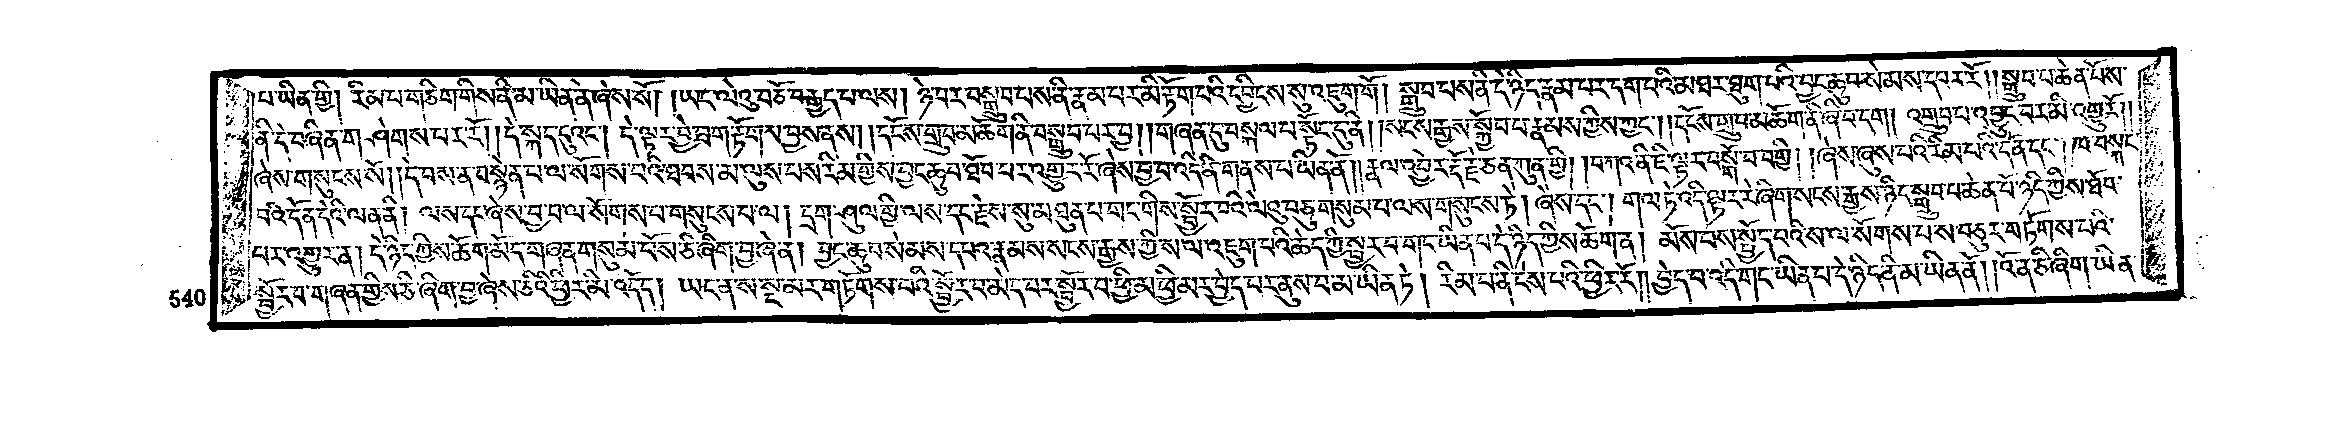པ་ཡིན་གྱི། རིམ་པ་གཅིག་གིས་ནི་མ་ཡིན་ནོ་ཞེས་སོ། །ཡང་ལེའུ་བཅོ་བརྒྱད་པ་ལས། ཉེ་བར་བསྒྲུབ་པས་ནི་རྣམ་པར་མི་རྟོག་པའི་དབྱིངས་སུ་འཇུག་གོ །སྒྲུབ་པས་ནི་དེ་ཉིད་རྣམ་པར་དག་པའི་མཐར་ཐུག་པའི་བྱང་ཆུབ་སེམས་དཔར་རོ། །སྒྲུབ་པ་ཆེན་པོས་
ནི་དེ་བཞིན་གཤེགས་པར་རོ། །དེ་སྐད་དུའང་། དེ་ལྟར་བྱེ་བྲག་རྟོགས་བྱས་ནས། །དངོས་གྲུབ་མཆོག་ནི་བསྒྲུབ་པར་བྱ། །གཞན་དུ་བསྐལ་པ་སྟོང་དུ་ནི། །སངས་རྒྱས་སྐྱོབ་པ་རྣམས་ཀྱིས་ཀྱང་། །དངོས་གྲུབ་མཆོག་ནི་ཞི་བ་དག །འགྲུབ་པ་འབྱུང་བར་མི་འགྱུར་རོ། །
ཞེས་གསུངས་སོ། །དེ་བས་ན་བསྙེན་པ་ལ་སོགས་པའི་ཐབས་མ་ལུས་པས་རིམ་གྱིས་བྱང་ཆུབ་ཐོབ་པར་འགྱུར་རོ་ཞེས་བྱ་བ་འདི་ནི་གནས་པ་ཡིན་ནོ། །རྣལ་འབྱོར་རྡོ་རྗེ་ཅན་ཀུན་གྱི། །བཀའ་ནི་ཇི་ལྟར་བསྒོ་བ་བགྱི། །ཞེས་ཞུས་པའི་རིམ་པའི་དོན་དང་། ཁ་བསྐང་
བའི་དོན་དེའི་ལན་ནི། ལས་དང་ཞེས་བྱ་བ་ལ་སོགས་པ་གསུངས་པ་ལ། དྲག་ཤུལ་གྱི་ལས་དང་རྗེས་སུ་མཐུན་པ་གང་གིས་སྦྱོར་བའི་ལེའུ་བཅུ་གསུམ་པ་ལས་གསུངས་ཏེ། ཞེས་དང་། གལ་ཏེ་འདི་ལྟར་རེ་ཞིག་སངས་རྒྱས་ཉིད་སྒྲུབ་པ་ཆེན་པོ་ཉིད་ཀྱིས་ཐོབ་
པར་འགྱུར་ན། དེ་ཉིད་ཀྱིས་ཆོག་མོད་གཞན་གསུམ་པོས་ཅི་ཞིག་བྱ་ཞེ་ན། བྱང་ཆུབ་སེམས་དཔའ་རྣམས་སངས་རྒྱས་ཀྱི་ས་ལ་འཇུག་པའི་ཆེད་ཀྱི་སྦྱར་བ་གང་ཡིན་པ་དེ་ཉིད་ཀྱིས་ཆོག་ན། མོས་པས་སྤྱོད་པའི་ས་ལ་སོགས་པས་བཅུར་གཏོགས་པའི་
སྦྱོར་བ་གཞན་གྱིས་ཅི་ཞིག་བྱ་ཞེས་ཅིའི་ཕྱིར་མི་འདོད། ཡང་ན་ས་སྔ་མར་གཏོགས་པའི་སྦྱོར་བ་མེད་པར་སྦྱོར་བ་ཕྱི་མ་ཕྱི་མར་བྱེད་པར་ནུས་པ་མ་ཡིན་ཏེ། རིམ་པ་ནི་ངེས་པའི་ཕྱིར་རོ། །བྱེད་པ་འདི་གང་ཡིན་པ་དེ་ཉིད་ནི་མ་ཡིན་ནོ། །འོ་ན་ཅི་ཞིག་ཡིན་